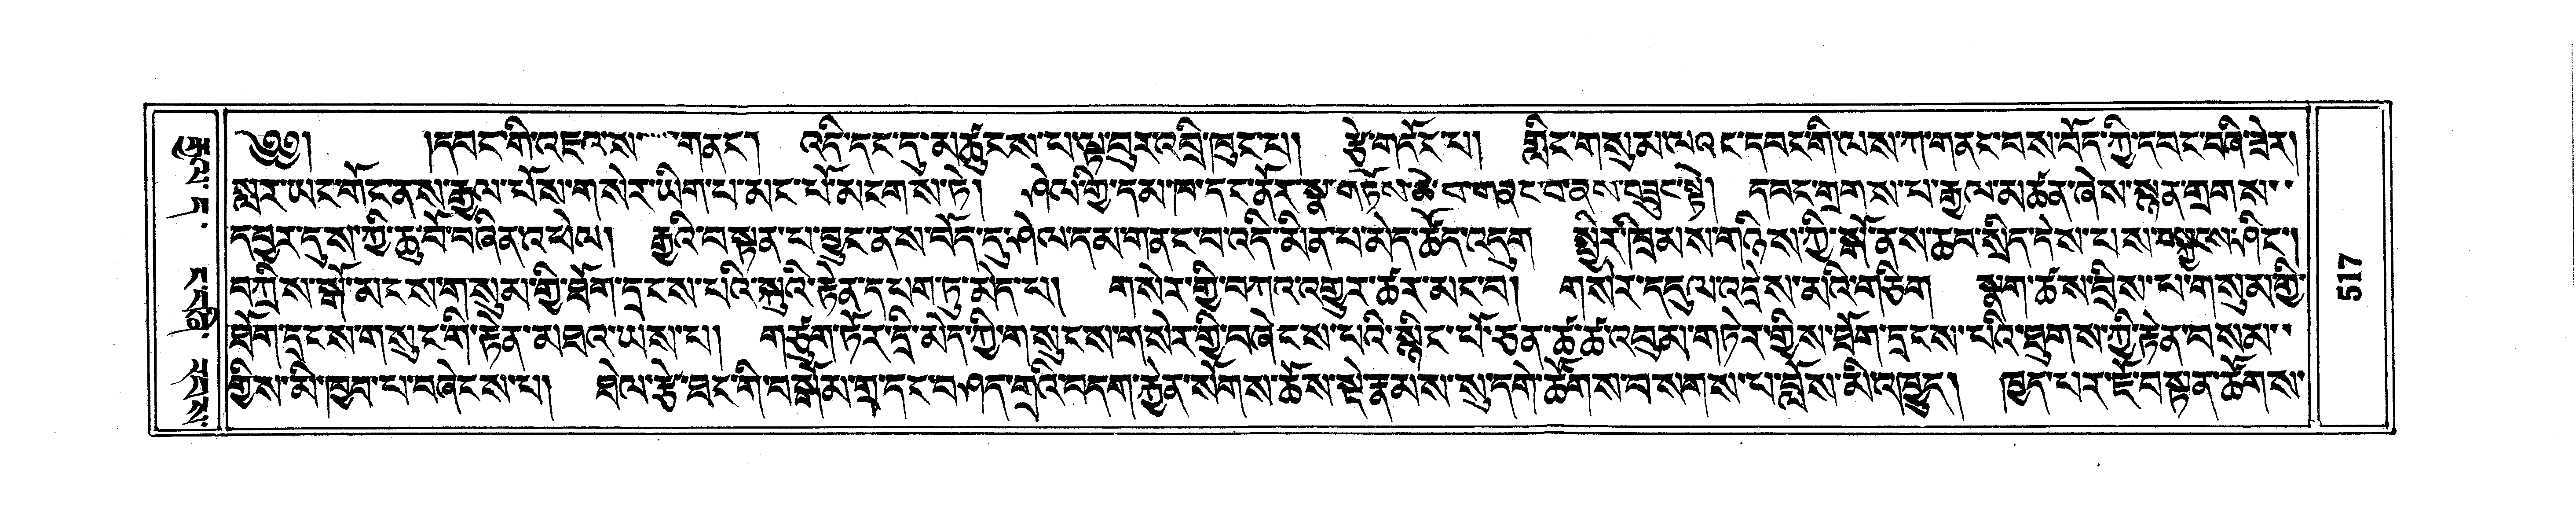༄༅། །དབང་གི་འཇའ་ས་གནང་། འདི་དང་དུ་མཚུངས་པ་ལྟ་བུར་འབྲི་ཁུང་པ། རྩེ་གདོང་པ། གླིང་གསུམ་ལའང་དབང་གི་ལས་ཀ་གནང་བས་བོད་ཀྱི་དབང་བཞི་ཟེར།
སླར་ཡང་གོང་ནས་རྒྱལ་པོས་གསེར་ཡིག་པ་མང་པོ་མངགས་ཏེ། ཤེལ་གྱི་དམ་ཁ་དང་ནོར་སྣ་གཏོས་ཆེ་བ་གནང་བ་ནས་བཟུང་སྟེ། དབང་གྲགས་པ་རྒྱལ་མཚན་ཞེས་སྙན་གྲགས་
དབྱར་དུས་ཀྱི་ཆུ་བོ་བཞིན་འཕེལ། རྒྱའི་བསྟན་པ་བྱུང་ནས་བོད་དུ་ཤེལ་དམ་གནང་བ་འདི་མིན་པ་མེད་ཚོད་འདུག་སྤྱིར་ཁྲིམས་གཉིས་ཀྱི་སྒོ་ནས་ཆབ་སྲིད་དེས་པས་བསྐྱངས་ཤིང་།
བཀྲིས་སྒོ་མངས་གསུམ་གྱི་ཐོག་དྲངས་པའི་སྐུའི་རྟེན་དཔག་ཏུ་མེད་པ། གསེར་གྱི་བཀའ་འགྱུར་ཚར་མང་བ། གསེར་དངུལ་འདྲེས་མའི་གཅིག་སྣག་ཚས་བྲིས་པ་གསུམ་གྱི་
ཐོག་དྲངས་གསུང་གི་རྟེན་མཐའ་ཡས་པ། གཙུག་ཏོར་དྲི་མེད་ཀྱི་གསུངས་གསེར་གྱི་བཞེངས་པའི་སྙིང་པོ་ཅན་ཚ་ཚ་འབུམ་གཏེར་གྱིས་ཐོག་དྲངས་པའི་ཐུགས་ཀྱི་རྟེན་བསམ་
གྱིས་མི་ཁྱབ་པ་བཞེངས་པ། ཐེལ་རྩེ་ཐང་གི་བསྒོམ་གྲྭ་དང་བཤད་གྲའི་བདག་རྐྱེན་སོགས་ཆོས་སྡེ་རྣམས་སུ་དགེ་ཚོགས་བསགས་པ་བློས་མི་འཁྱུད། ཁྱད་པར་ཇོ་བསྟན་ཚོགས་